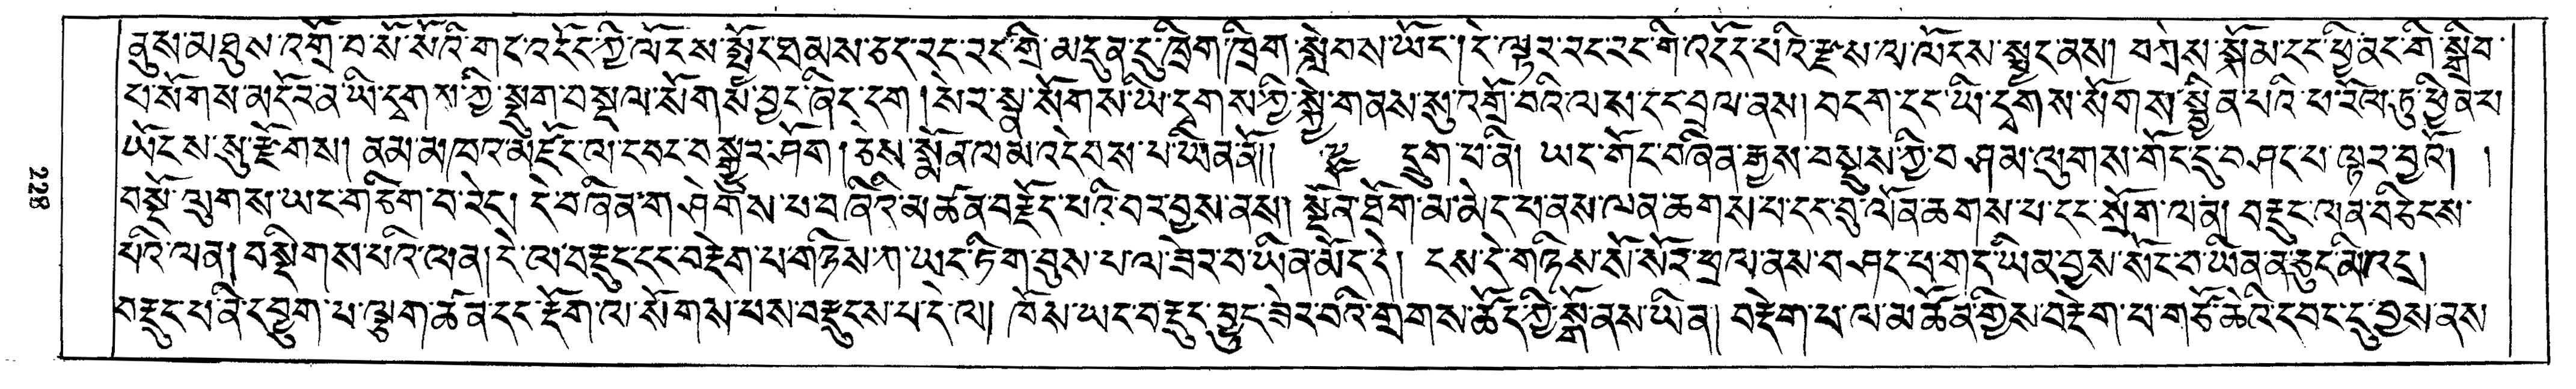ནུས་མཐུས་འགྲོ་བ་སོ་སོའི་གང་འདོད་ཀྱི་ལོངས་སྤྱོད་ཐམས་ཅད་རང་རང་གི་མདུན་དུ་ཁྲིག་ཁྲིག་སླེབས་ཡོང་། དེ་ལྟར་རང་རང་གི་འདོད་བའི་རྫས་ལ་ལོངས་སྤྱད་ནས། བཀྲེས་སྐོམ་དང་ཕྱི་ནང་གི་སྒྲིབ་
པ་སོགས་མདོར་ན་ཡི་དྭགས་ཀྱི་སྡུག་བསྔལ་སོགས་བྱང་ཞིང་དག །སེར་སྣ་སོགས་ཡི་དྭགས་ཀྱི་སྐྱེ་གནས་སུ་འགྲོ་བའི་ལས་དང་བྲལ་ནས། བདག་དང་ཡི་དགས་སོགས་སྦྱིན་པའི་ཕ་རོལ་ཏུ་ཕྱིན་པ་
ཡོངས་སུ་རྫོགས། ནམ་མཁའ་མཛོད་ལ་དབང་བསྒྱུར་ཤོག །ཅེས་སྨོན་ལམ་འདེབས་པ་ཡིན་ནོ།། ༈ དྲུག་བ་ནི། ཡང་གོང་བཞིན་རྒྱས་བསྡུས་ཀྱི་བཤམ་ལུགས་གོང་དུ་བཤད་པ་ལྟར་བྱའོ། །
བསྔོ་ལུགས་ཡང་གཅིག་པ་རེད། དེ་བཞིན་གཤེགས་པ་བཞིའི་མཚན་བརྗོད་པའི་བར་བྱས་ནས། སྔོན་ཐོག་མ་མེད་བ་ནས་ལན་ཆགས་བ་དང་བུ་ལོན་ཆགས་པ་དང་སྲོག་ལན། བརྡུང་ལན་བཅིངས་
པའི་ལན། བསྡིགས་པའི་ལན། དེ་ལ་བརྡུང་དང་བརྡེག་པ་གཉིས་ཀ་ཡང་ཏིག་བུས་པ་ལ་ཟེར་བ་ཡིན་མོད་དེ། ངས་དེ་གཉིས་སོ་སོར་ཕྲལ་ནས་བཤད་པ་གང་ཡིན་བྱས་སོང་བ་ཡིན་ན་ཅུང་མི་འདྲ།
བརྡུང་པ་ནི་དབྱུག་པ་ལྕག་ཚན་དང་རྡོག་ལ་སོགས་པས་བརྡུངས་པ་དེ་ལ། ཁོས་ཡང་བརྡུང་བྱུང་ཟེར་བའི་གྲགས་ཚོད་ཀྱི་སྒོ་ནས་ཡིན། བརྡེག་པ་ལ་མཚོན་གྱིས་བརྡེག་བ་གཙོ་ཆེའི་དབང་དུ་བྱས་ནས་